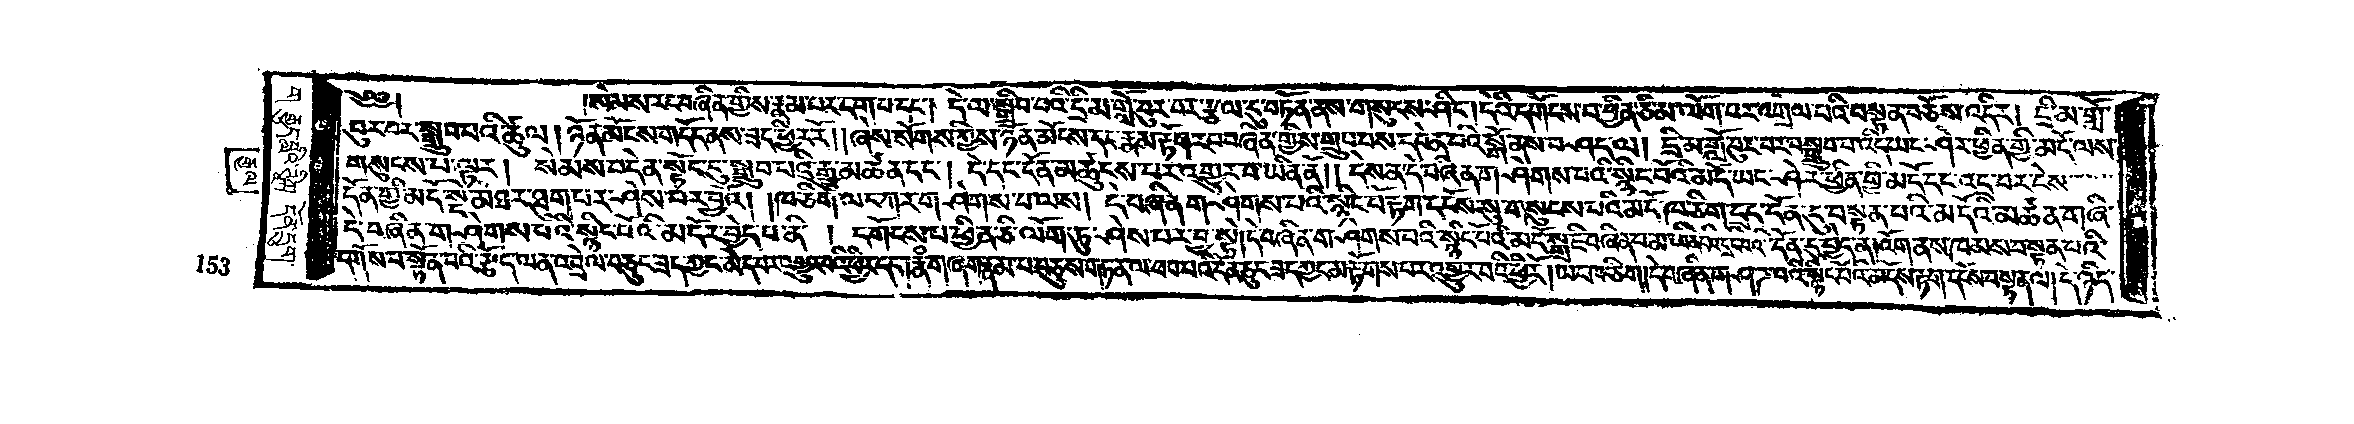༄༅། །སེམས་རང་བཞིན་གྱིས་རྣམ་པར་དག་པ་དང་། དེ་ལ་སྒྲིབ་པའི་དྲི་མ་གློ་བུར་བར་རྩལ་དུ་བཏོན་ནས་གསུངས་ཤིང་། དེའི་དགོངས་པ་ཕྱིན་ཅི་མ་ལོག་པར་འགྲེལ་པའི་བསྟན་བཅོས་འདིར། དྲི་མ་གློ་
བུར་བར་སྒྲུབ་པའི་ཚུལ། ཉོན་མོངས་གདོད་ནས་ཟད་ཕྱིར་རོ། །ཞེས་སོགས་ཀྱིས་ཉོན་མོངས་དང་རྣམ་རྟོག་རང་བཞིན་གྱིས་གྲུབ་པས་དབེན་པའི་སྒོ་ནས་བཤད་ལ། དྲི་མ་གློ་བུར་བར་བསྒྲུབ་པ་འདི་ཡང་ཤེར་ཕྱིན་གྱི་མདོ་ལས་
གསུངས་པ་ལྟར། སེམས་བདེན་སྟོང་དུ་སྒྲུབ་པའི་རྒྱུ་མཚན་དང་། དེ་དང་དོན་མཚུངས་པར་འགྱུར་བ་ཡིན་ནོ། །དེས་ན་དེ་བཞིན་གཤེགས་པའི་སྙིང་པོའི་མདོ་ཡང་ཤེར་ཕྱིན་གྱི་མདོ་དང་འདྲ་བར་ངེས་
དོན་གྱི་མདོ་སྡེ་མཐར་ཐུག་པར་ཤེས་པར་བྱའོ། །ཁ་ཅིག་ལང་ཀར་གཤེགས་པ་ལས། དེ་བཞིན་གཤེགས་པའི་སྙིང་པོ་རྟག་དངོས་སུ་གསུངས་པའི་མདོ་ཁ་ཅིག་དྲང་དོན་དུ་བསྟན་པའི་མདོའི་མཚན་གཞི་
དེ་བཞིན་གཤེགས་པའི་སྙིང་པོའི་མདོར་བྱེད་པ་ནི། དགོངས་པ་ཕྱིན་ཅི་ལོག་ཏུ་ཤེས་པར་བྱ་སྟེ། དེ་བཞིན་གཤེགས་པའི་སྙིང་པོའི་མདོ་སྒྲ་ཇི་བཞིན་པ་མ་ཡིན་པའི་དྲང་བའི་དོན་དུ་བྱེད་ན། འོག་ནས་ཁམས་བསྟན་པའི་
དགོས་པ་སྟོན་པའི་རྩོད་ལན་འབྲེལ་བ་ཅུང་ཟད་ཀྱང་མེད་པར་འགྱུར་བའི་ཕྱིར་དང་། རྣམ་གཞག་རྣམ་པ་བཅུས་གཏན་ལ་ཕབ་པའི་དོན་ཅུང་ཟད་ཀྱང་མ་རྟོགས་པར་འགྱུར་བའི་ཕྱིར་རོ། །ཡང་ཁ་ཅིག །དེ་བཞིན་གཤེགས་པའི་སྙིང་པོའི་མདོས་རྟག་དངོས་བསྟན་ལ། དེ་ཉིད་